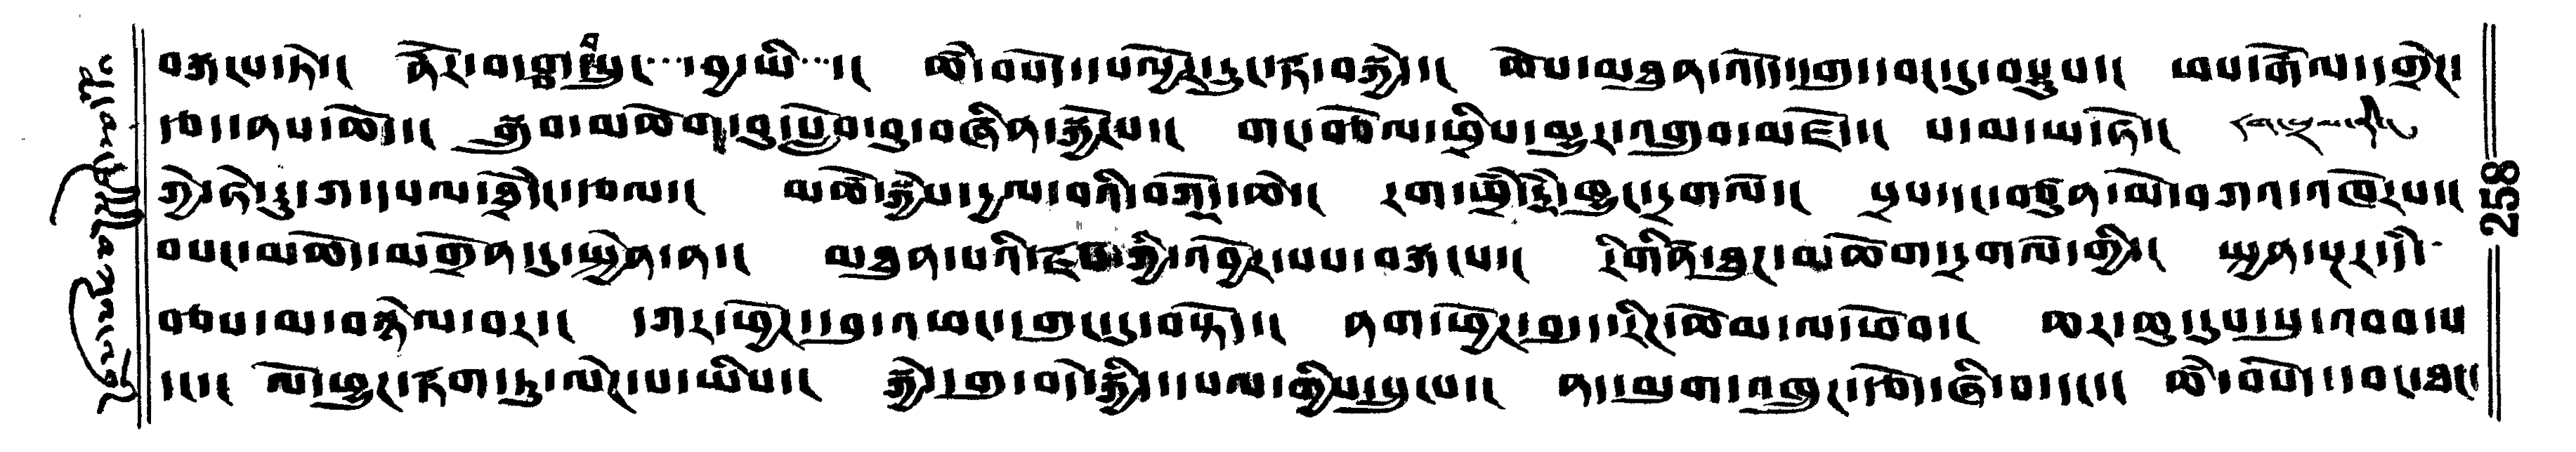བསྐངས་ཏེ། །རྣལ་འབྱོར་བདག་ཅག་བསྲུང་བྱ་ཡི། །ཚེ་བསོད་དཔལ་འབྱོར་རླུང་རྟ་བསྐྱེད། །ཆོས་མཐུན་འདོད་དགུ་དབང་དུ་བསྡུས། །ཕས་རྒོལ་དགྲ་བགེགས་
རྩད་ནས་ཆོད། །སྒྲུབ་མཆོག་བུ་སློབ་བུ་བཞིན་སྐྱོངས། །གང་བཅོལ་ཕྲིན་ལས་མྱུར་འགྲུབ་མཛོད།ས་མ་ཡ་ཧོ། རག་ཕྲལ་ནི། 
ཀྱཻ། ཧེ་རུ་ཀ་དཔལ་ཐོད་ཕྲེང་རྩལ། །མཚོ་སྐྱེས་རྒྱལ་བའི་བཀའ་སྡོད་ཆེ། །རག་ཕྲམ་རྡོ་རྗེ་ཁྱུང་དྲག་འཚལ། །སྲས་དང་བཙུན་མོ་བཀའ་འཁོར་བཅས། །
བསང་མཆོད་མགྲོན་དུ་སྤྱན་འདྲེན་ན། །མཐུན་པའི་རྫས་ཀྱི་འབྱོར་པས་བསྐང་། །རིག་འཛིན་ཐུགས་མཆོག་དྲག་ཙལ་གྱི། །སྤྱན་སྔར་དམ་
བཅས་མ་བསྙེལ་བར། །དཀར་ཕྱོགས་དབུ་འཕང་དགུང་དུ་བསྟོད། །ནག་ཕྱོགས་བདུད་རིགས་ཆོམ་ལ་ཕོབ། །ཆར་ཆུ་དུས་སུ་འབབ་པ་
དང་། །ལོ་ཕྱུགས་རྟག་ཏུ་ལེགས་པ་ཡིས། །སྐྱེ་རྒུ་བདེ་སྐྱིད་དཔལ་གྱིས་སྲུངས། །ནད་མུག་འཁྲུགས་རྩོད་ཞི་བ་དང་། །ཚེ་བསོད་དབང་ཐང་